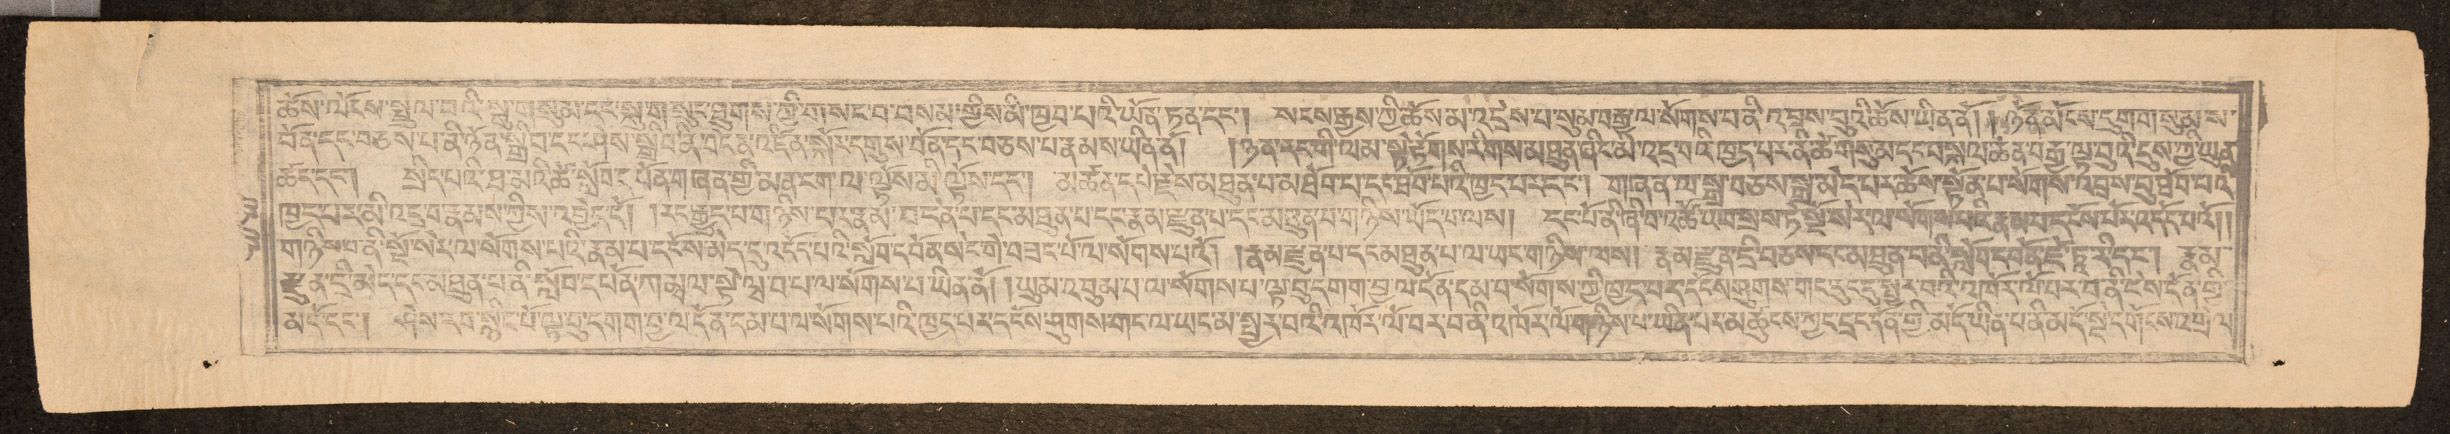ཆོས་ལོངས་སྤྲུལ་བའི་སྐུ་གསུམ་དང་སྐུ་གསུང་ཐུགས་ཀྱི་གསང་བ་བསམ་གྱིས་མི་ཁྱབ་པའི་ཡོན་ཏན་དང་། སངས་རྒྱས་ཀྱི་ཆོས་མ་འདྲེས་པ་སུམ་བརྒྱ་ལ་སོགས་པ་ནི་འབྲས་བུའི་ཆོས་ཡིན་ནོ། །ཉོན་མོངས་དུག་གསུམ་ས་
བོན་དང་བཅས་པ་ནི་ཉོན་སྒྲིབ་དང་ཤེས་སྒྲིབ་ནི་བདེན་འཛིན་སྐོར་དགུས་བོན་དང་བཅས་པ་རྣམས་ཡིན་ནོ། །ཉན་རང་གི་ལམ་སྟེ་རྟོགས་རིགས་མཐུན་ཞིང་མི་འདྲ་བའི་ཁྱད་པར་ནི་ཚེ་གསུམ་དང་བསྐལ་ཆན་བརྒྱ་ལྟ་བུའི་དུས་ཀྱི་ཡུན་
ཚད་དང་། སྲིད་པའི་ཐ་མའི་ཚེ་སློབ་དཔོན་གཞན་གྱི་མན་ངག་ལ་ལྟོས་མི་ལྟོས་དང་། མཚན་དཔེ་རྗེས་མཐུན་པ་མཐོབ་པ་དང་ཐོབ་པའི་ཁྱད་པར་དང་། གཞན་ལ་སྒྲ་བཅས་སྒྲ་མེད་པར་ཆོས་སྟོན་པ་སོགས་འབྲས་བུ་ཐོབ་པའི་
ཁྱད་པར་མི་འདྲ་བ་རྣམས་ཀྱིས་འབྱེད་དོ། །རང་རྒྱུད་པ་གཉིས་པར་རྣམ་བདེན་པ་དང་མཐུན་པ་དང་རྣམ་རྫུན་པ་དང་མཐུན་པ་གཉིས་ཡོད་པ་ལས། དང་པོ་ནི་ཞི་བ་འཚོ་ཡབ་སྲས་ཏེ་སྔོ་སེར་ལ་སོགས་པའི་རྣམ་པ་དངོས་པོར་འདོད་པའོ།།
གཉིས་ལ་ནི་སྔོ་སེར་ལ་སོགས་པའི་རྣམ་པ་དངོས་མེད་དུ་འདོད་པའི་སློབ་དབོན་སེང་གེ་བཟང་པོ་ལ་སོགས་པའོ། །རྣམ་རྫུན་པ་དང་མཐུན་པ་ལ་ཡང་གཉིས་ལས། རྣམ་རྫུན་དྲི་བཅས་དང་མཐུན་པ་ནི་སློབ་དབོན་ཛེ་ཏཱ་རི་དང་། རྣམ་
རྫུན་དྲི་མེད་དང་མཐུན་པ་ནི་སློབ་དཔོན་ཀམྭལ་སྟེ་ལྭ་བ་པ་ལ་སོགས་པ་ཡིན་ནོ། །ཡུམ་འབུམ་པ་ལ་སོགས་པ་ལྟ་བུ་དགག་བྱ་ལ་དོན་དམ་བ་སོགས་ཀྱི་ཁྱད་པར་དངོས་ཤུགས་གང་རུང་དུ་སྦྱར་བའི་འཁོར་ལོ་བར་བ་ནི་ངེས་དོན་གྱི་
མདོ་དང་། ཤེས་རབ་སྙིང་པོ་ལྟ་བུ་དགག་བྱ་ལ་དོན་དམ་པ་ལ་སོགས་པའི་ཁྱད་པར་དངོས་ཤུགས་གང་ལ་ཡང་མ་སྤྱར་བའི་འཁོར་ལོ་བར་བ་ནི་འཁོར་ལོ་གཉིས་པ་ཡིན་པར་མཚུངས་ཀྱང་དྲང་དོན་གྱི་མདོ་ཡིན་བ་ནི་མདོ་སྡེ་དགོངས་འགྲེལ་